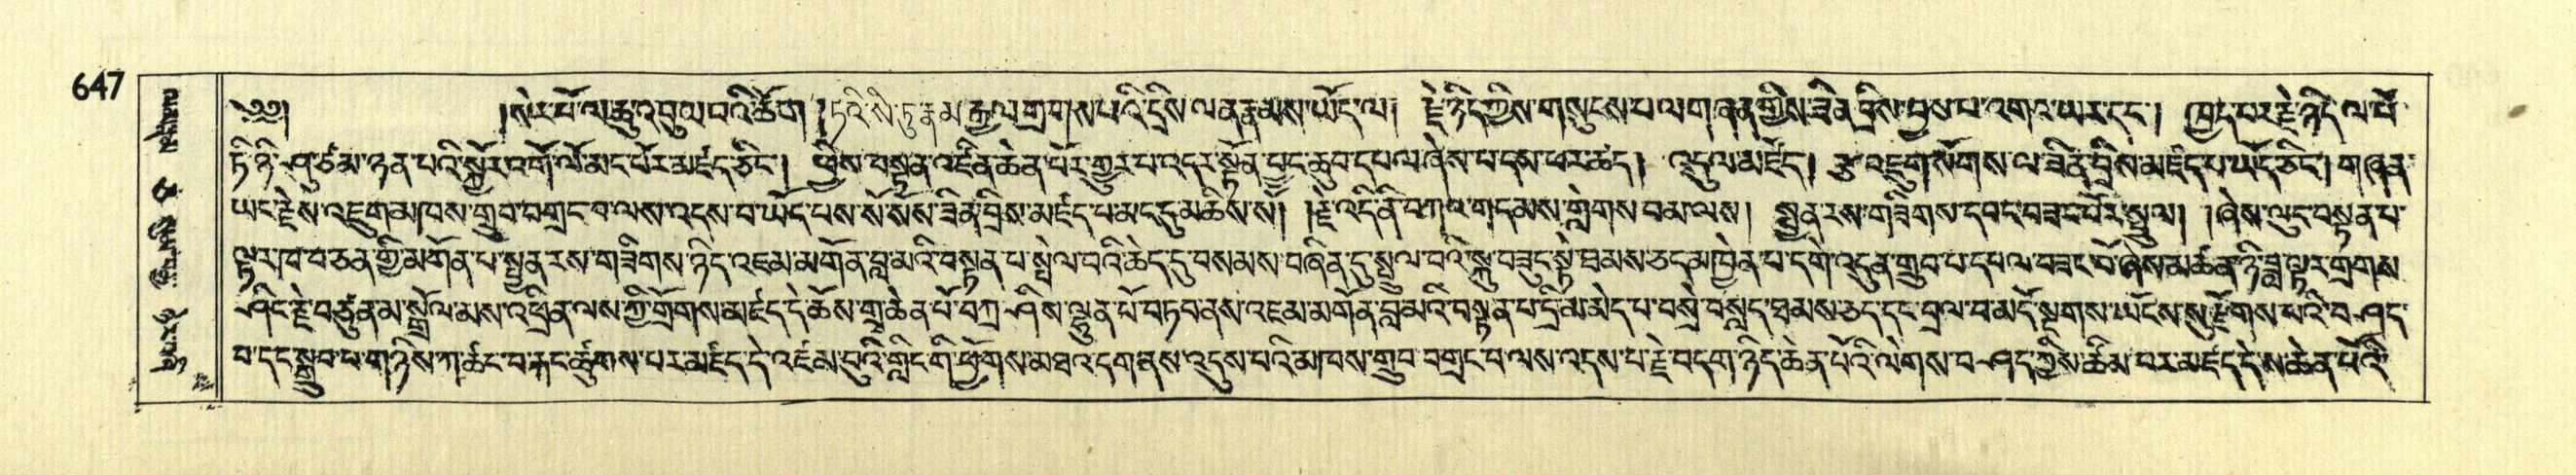༄༅། །སེར་པོ་ལ་ཆུ་འབུལ་བའི་ཆོག །ཏའི་སི་ཏུ་རྣམ་རྒྱལ་གྲགས་པའི་དྲིས་ལན་རྣམས་ཡོད་ལ། རྗེ་ཉིད་ཀྱིས་གསུངས་པ་ལ་གཞན་གྱིས་ཟིན་བྲིས་བྱས་པ་འགའ་ཡར་དང་། ཁྱད་པར་རྗེ་ཉིད་ལ་པོ་
ཏི་ཉི་ཤུ་ཙམ་ཉན་པའི་སྐྱོར་འགོ་ལོ་མང་པོར་མཛད་ཅིང་། ཕྱིས་བསྟན་འཛིན་ཆེན་པོར་གྱུར་པ་འདར་སྟོན་བྱང་ཆུབ་དཔལ་ཞེས་པ་དམ་ཕར་ཚད། འདུལ་མཛོད། རྩ་འཇུག་སོགས་ལ་ཟིན་བྲིས་མཛད་པ་ཡོད་ཅིང་། གཞན་
ཡང་རྗེས་འཇུག་མཁས་གྲུབ་བགྲང་བ་ལས་འདས་བ་ཡོད་པས་སོ་སོས་ཟིན་བྲིས་མཛད་པ་མང་དུ་མཆིས་སོ། །རྗེ་འདི་ནི་བཀའ་གདམས་གླེགས་བམ་ལས། སྤྱན་རས་གཟིགས་དབང་བཟང་པོར་སྤྲུལ། །ཞེས་ལུང་བསྟན་པ་
ལྟར་ཁ་བ་ཅན་གྱི་མགོན་པ་སྤྱན་རས་གཟིགས་ཉིད་འཇམ་མགོན་བླ་མའི་བསྟན་པ་སྤེལ་བའི་ཆེད་དུ་བསམས་བཞིན་དུ་སྤྲུལ་བའི་སྐུ་བཟུང་སྟེ་ཐམས་ཅད་མཁྱེན་པ་དགེ་འདུན་གྲུབ་པ་དཔལ་བཟང་པོ་ཞེས་མཚན་ཉི་ཟླ་ལྟར་གྲགས་
ཤིང་རྗེ་བཙུན་མ་སྒྲོལ་མས་འཕྲིན་ལས་ཀྱི་གྲོགས་མཛད་དེ་ཆོས་གྲྭ་ཆེན་པོ་བཀྲ་ཤིས་ལྷུན་པོ་བཏབ་ནས་འཇམ་མགོན་བླ་མའི་བསྟན་པ་དྲི་མ་མེད་པ་བསྲེ་བསླད་ཐམས་ཅད་དང་བྲལ་བ་མདོ་སྔགས་ཡོངས་སུ་རྫོགས་པའི་བཤད་
པ་དང་སྒྲུབ་པ་གཉིས་ཀ་ཚང་བ་རྐང་ཚུགས་པར་མཛད་དེ་འཛམ་བུའི་གླིང་གི་ཕྱོགས་མཐའ་དག་ནས་འདུས་པའི་མཁས་གྲུབ་བགྲང་བ་ལས་འདས་པ་རྗེ་བདག་ཉིད་ཆེན་པོའི་ལེགས་བཤད་ཀྱིས་ཚིམ་པར་མཛད་དེ་ས་ཆེན་པོའི་